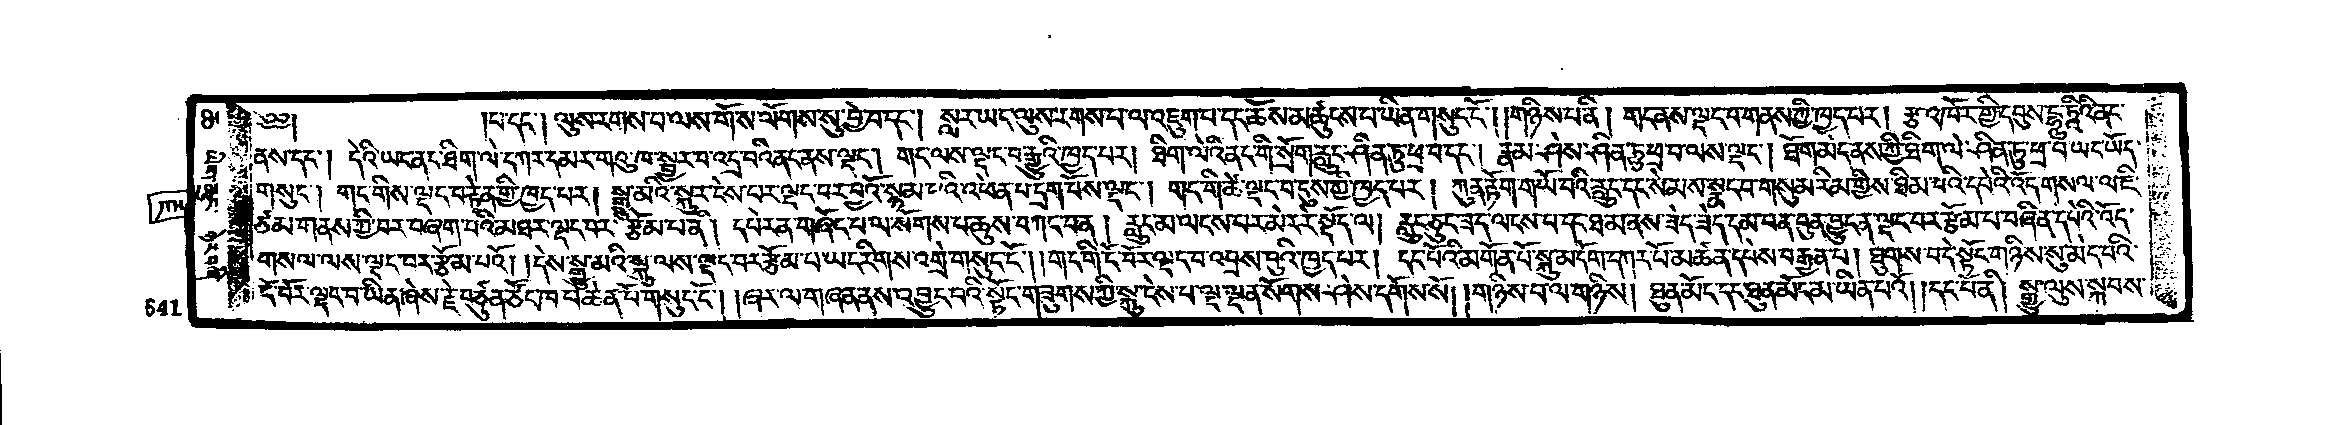༄༅། །པ་དང་། ལུས་རགས་པ་ལས་གོ་ས་ལོགས་སུ་བྱེ་བ་དང་། སླར་ཡང་ལུས་རགས་པ་ལ་འཇུག་པ་དང་ཆོས་མཚུངས་པ་ཡིན་གསུང་ངོ། །གཉིས་པ་ནི། གང་ནས་ལྡང་བ་གནས་ཀྱི་ཁྱད་པར། རྩ་འཁོར་གྱི་དབུས་དྷཱུ་ཏཱིའི་ནང་ནས་དང་། དེའི་ཡང་ནང་ཐིག་ལེ་དཀར་དམར་གའུ་ཁ་སྦྱར་བ་འདྲ་བའི་ནང་ནས་ལྡང་། གང་ལས་ལྡང་བ་རྒྱུའི་ཁྱད་པར། ཐིག་ལེའི་ནང་གི་སྲོག་རླུང་ཤིན་ཏུ་ཕྲ་བ་དང་། རྣམ་ཤེས་ཤིན་ཏུ་ཕྲ་བ་ལས་ལྡང་། ཐོག་མེད་ནས་ཀྱི་ཐིག་ལེ་ཤིན་ཏུ་ཕྲ་བ་ཡང་ཡོད་
གསུང་། གང་གིས་ལྡང་བ་རྟེན་གྱི་ཁྱད་པར། སྒྱུ་མའི་སྐུར་ངེས་པར་ལྡང་བར་བྱའོ་སྙམ་པའི་འཕེན་པ་དྲག་པོས་ལྡང་། གང་གི་ཚེ་ལྡང་བ་དུས་ཀྱི་ཁྱད་པར། ཀུན་རྟོག་གཡོ་བའི་རླུང་དང་སེམས་སྣང་བ་གསུམ་རིམ་གྱིས་ཐིམ་པའི་དཔེའི་འོད་གསལ་ལ་ཇི་
ཙམ་གནས་ཀྱི་བར་བཞག་པའི་མཐར་ལྡང་བར་རྩོམ་པ་ནི། དཔེར་ན་གཞོད་པ་ལ་སོགས་པ་ཆུས་བཀང་བ་ན། རླུང་མ་ལངས་པར་མེར་རེ་སྡོད་ལ། རླུང་ཅུང་ཟད་ལངས་པ་དང་ཐ་མ་ནས་ཟེད་ཟེད་དམ་བན་བུན་བྱུང་ན་ལྡང་བར་རྩོམ་པ་བཞིན་དཔེའི་འོད་
གསལ་ལས་ལྡང་བར་རྩོམ་པའོ། །དེས་སྒྱུ་མའི་སྐུ་ལས་ལྡང་བར་རྩོམ་པ་ཡང་རིགས་འགྲེ་གསུང་ངོ། །གང་གི་ངོ་བོར་ལྡང་བ་འབྲས་བུའི་ཁྱད་པར། དང་པོའི་མགོན་པོ་སྐུ་མདོག་དཀར་པོ་མཚན་དཔེས་བརྒྱན་པ། ཐུགས་བདེ་སྟོང་གཉིས་སུ་མེད་པའི་
ངོ་བོར་ལྡང་བ་ཡིན་ཞེས་རྗེ་བཙུན་ཙོང་ཁ་པ་ཆེན་པོ་གསུང་ངོ། །ཞར་ལ་གཞན་ནས་འབྱུང་བའི་སྟོང་གཟུགས་ཀྱི་སྐུ་ངེས་པ་ལྔ་ལྡན་སོགས་ཤེས་དགོས་སོ། །གཉིས་པ་ལ་གཉིས། ཐུན་མོང་དང་ཐུན་མོང་མ་ཡིན་པའོ། །དང་པོ་ནི། སྒྱུ་ལུས་སྐབས་